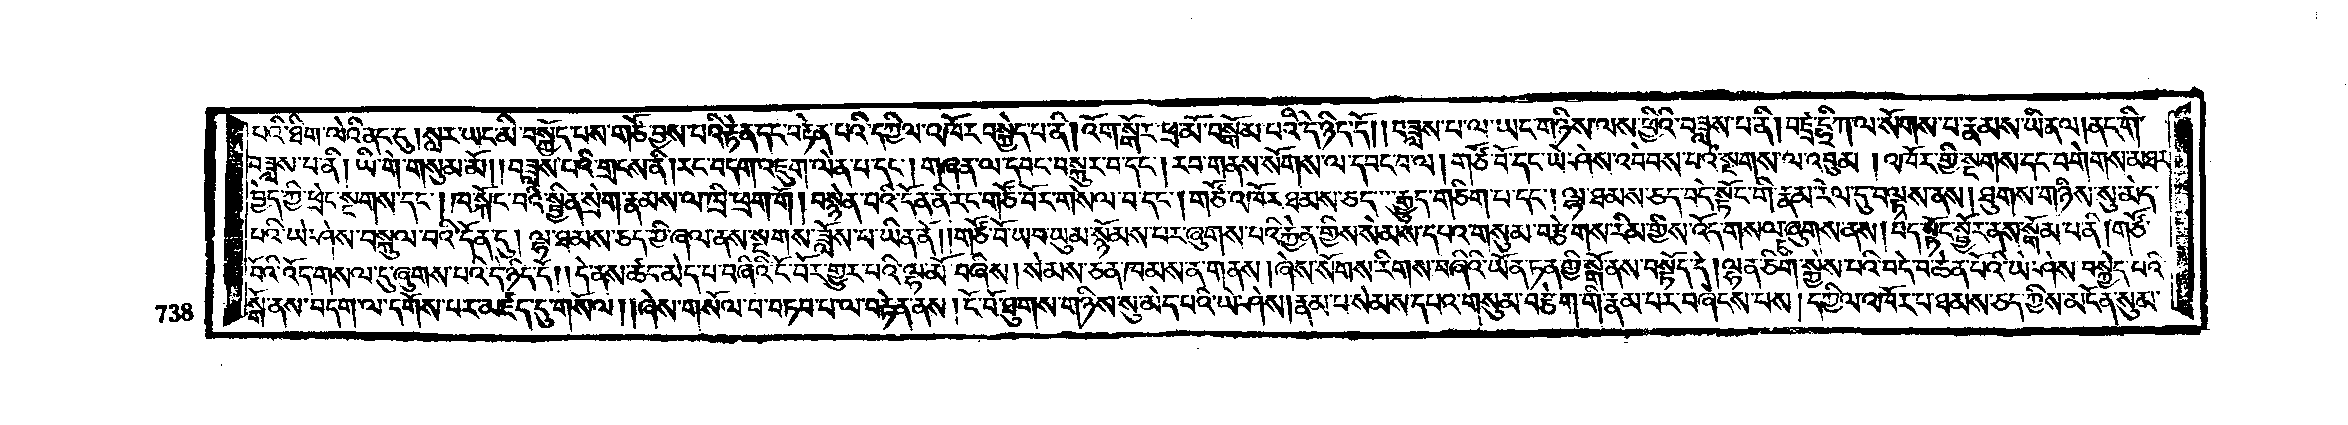པའི་ཐིག་ལེའི་ནང་དུ། སླར་ཡང་མི་བསྐྱོད་པས་གཙོ་བྱས་པའི་རྟེན་དང་བརྟེན་པའི་དཀྱིལ་འཁོར་བསྐྱེད་པ་ནི། འོག་སྒོར་ཕྲ་མོ་བསྒོམ་པའི་དེ་ཉིད་དོ། །བཟླས་པ་ལ་ཡང་གཉིས་ལས་ཕྱིའི་བཟླས་པ་ནི། བཛྲ་དྷྲི་ཀ་ལ་སོགས་པ་རྣམས་ཡིན་ལ། ནང་གི་
བཟླས་པ་ནི། ཡི་གེ་གསུམ་མོ། །བཟླས་པའི་གྲངས་ནི། རང་བདག་འཇུག་ལེན་པ་དང་། གཞན་ལ་དབང་བསྐུར་བ་དང་། རབ་གནས་སོགས་ལ་དབང་བ་ལ། གཙོ་བོ་དང་ཡེ་ཤེས་འབེབས་པའི་སྔགས་ལ་འབུམ། འཁོར་གྱི་སྔགས་དང་བགེགས་མཐར་
བྱེད་ཀྱི་ཕྲེང་སྔགས་དང་། ཁ་སྐོང་བའི་སྦྱིན་སྲེག་རྣམས་ལ་ཁྲི་ཕྲག་གོ །བསྙེན་པའི་དོན་ནི་རང་གཙོ་བོར་གསལ་བ་དང་། གཙོ་འཁོར་ཐམས་ཅད་རྒྱུད་གཅིག་པ་དང་། ལྷ་ཐམས་ཅད་བདེ་སྟོང་གི་རྣམ་རོལ་དུ་བལྟས་ནས། ཐུགས་གཉིས་སུ་མེད་
པའི་ཡེ་ཤེས་བསྐུལ་བའི་དོན་དུ། ལྷ་ཐམས་ཅད་ཀྱི་ཞལ་ནས་སྔགས་ཟློས་པ་ཡིན་ནོ། །གཙོ་བོ་ཡབ་ཡུམ་སྙོམས་པར་ཞུགས་པའི་རྐྱེན་གྱིས་སེམས་དཔའ་གསུམ་བརྩེགས་རིམ་གྱིས་འོད་གསལ་དུ་ཞུགས་ནས། བདེ་སྟོང་སྦྱོར་ནས་སྒོམ་པ་ནི། གཙོ་
བོའི་འོད་གསལ་དུ་ཞུགས་པའི་དེ་ཉིད་དོ། །དེ་ནས་ཚད་མེད་པ་བཞིའི་ངོ་བོར་གྱུར་པའི་ལྷ་མོ་བཞིས། སེམས་ཅན་ཁམས་ན་གནས། །ཞེས་སོགས་རིགས་བཞིའི་ཡོན་ཏན་གྱི་སྒོ་ནས་བསྟོད་དེ། ལྷན་ཅིག་སྐྱེས་པའི་བདེ་བ་ཆེན་པོའི་ཡེ་ཤེས་བསྐྱེད་པའི་
སྒོ་ནས་བདག་ལ་དགོས་པར་མཛད་དུ་གསོལ། །ཞེས་གསོལ་བ་བཏབ་པ་ལ་བརྟེན་ནས། ངོ་བོ་ཐུགས་གཉིས་སུ་མེད་པའི་ཡེ་ཤེས། རྣ་པ་སེམས་དཔའ་གསུམ་བརྩེག་གི་རྣམ་པར་བཞེངས་པས། དཀྱིལ་འཁོར་པ་ཐམས་ཅད་ཀྱིས་མངོན་སུམ་